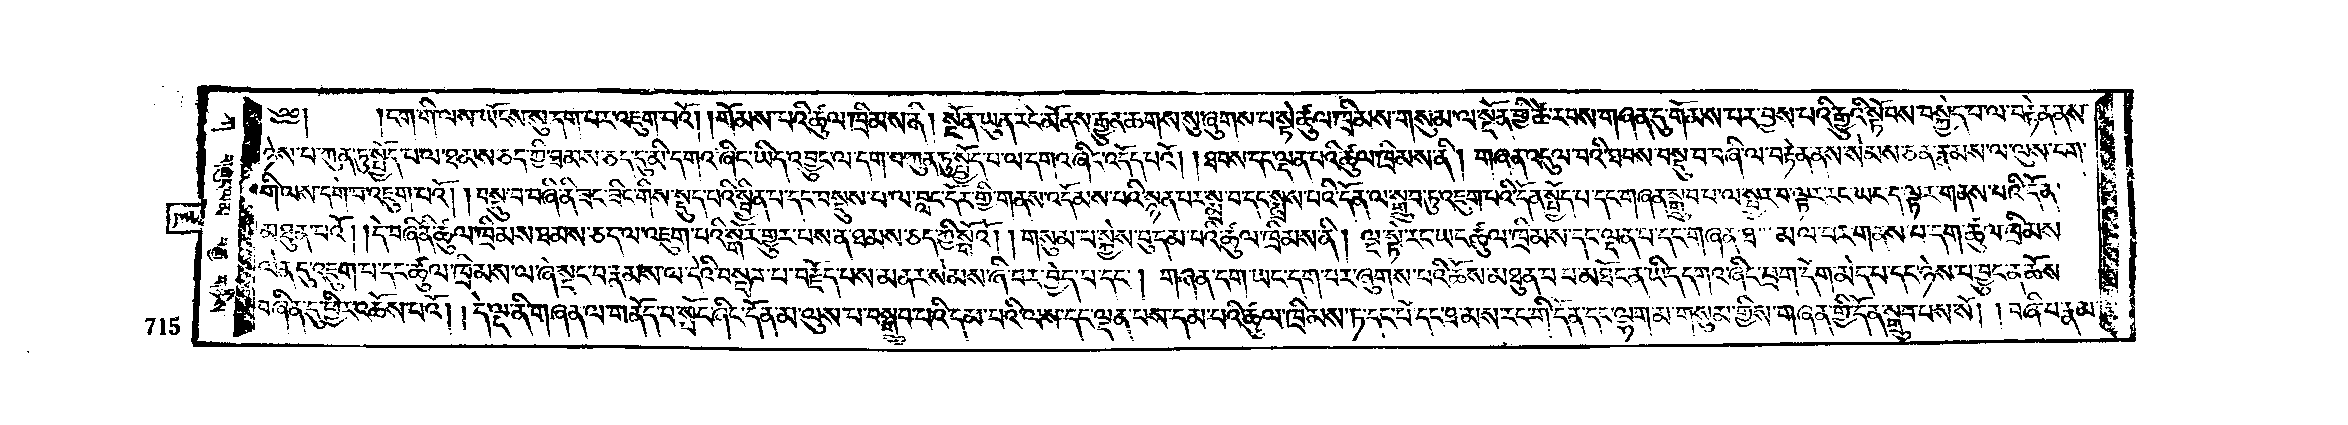༄༅། །ངག་གི་ལས་ཡོངས་སུ་དག་པར་འཇུག་པའོ། །གོམས་པའི་ཚུལ་ཁྲིམས་ནི། སྔོན་ཡུན་རིང་མོ་ནས་རྒྱུན་ཆགས་སུ་ཞུགས་པ་སྟེ་ཚུལ་ཁྲིམས་གསུམ་ལ་སྔོན་གྱི་ཚེ་རབས་གཞན་དུ་གོམས་པར་བྱས་པའི་རྒྱུའི་སྟོབས་བསྐྱེད་པ་ལ་བརྟེན་ནས་
ཉེས་པ་ཀུན་ཏུ་སྤྱོད་པ་ལ་ཐམས་ཅད་ཀྱི་ཐམས་ཅད་དུ་མི་དགའ་ཞིང་ཡིད་འབྱུང་ལ་དག་པ་ཀུན་ཏུ་སྤྱོད་པ་ལ་དགའ་ཞིང་འདོད་པའོ། །ཐབས་དང་ལྡན་པའི་ཚུལ་ཁྲིམས་ནི། གཞན་འདུལ་བའི་ཐབས་བསྡུ་བ་བཞི་ལ་བརྟེན་ནས་སེམས་ཅན་རྣམས་ལ་ལུས་ངག་
གི་ལས་དགེ་བ་འཇུག་པའོ། །བསྡུ་བ་བཞི་ནི་ཟང་ཟིང་གིས་སྡུད་པའི་སྦྱིན་པ་དང་བསྡུས་པ་ལ་བླང་དོར་གྱི་གནས་འདོམས་པའི་སྙན་པར་སྨྲ་བ་དང་སྨྲས་པའི་དོན་ལ་སྒྲུབ་ཏུ་འཇུག་པའི་དོན་སྤྱོད་པ་དང་གཞན་སྒྲུབ་པ་ལ་སྦྱར་བ་ལྟར་རང་ཡང་ད་ལྟར་གནས་པའི་དོན་
མཐུན་པའོ། །དེ་བཞིན་ནི་ཚུལ་ཁྲིམས་ཐམས་ཅད་ལ་འཇུག་པའི་སྒོར་གྱུར་པས་ན་ཐམས་ཅད་ཀྱི་སྒོའོ། །གསུམ་པ་སྐྱེས་བུ་དམ་པའི་ཚུལ་ཁྲིམས་ནི། ལྔ་སྟེ་རང་ཡང་ཚུལ་ཁྲིམས་དང་ལྡན་པ་དང་གཞན་ཐ་མལ་བར་གནས་པ་དག་ཚུལ་ཁྲིམས་
ལེན་དུ་འཇུག་པ་དང་ཚུལ་ཁྲིམས་ལ་ཞེ་སྡང་བ་རྣམས་ལ་དེའི་བསྔགས་པ་བརྗོད་པས་མནར་སེམས་ཞི་བར་བྱེད་པ་དང་། གཞན་དག་ཡང་དག་པར་ཞུགས་པའི་ཆོས་མཐུན་པ་པ་མཐོང་ན་ཡིད་དགའ་ཞིང་ཕྲག་དོག་མེད་པ་དང་ཉེས་པ་བྱུང་ན་ཆོས་
བཞིན་དུ་ཕྱིར་འཆོས་པའོ། །དེ་ལྔ་ནི་གཞན་ལ་གནོད་པ་སྤོང་ཞིང་དོན་མ་ལུས་པ་བསྒྲུབ་པའི་དམ་པའི་ལས་དང་ལྡན་པས་དམ་པའི་ཚུལ་ཁྲིམས་ཏ་དང་པོ་དང་ཐ་མས་རང་གི་དོན་དང་ལྷག་མ་གསུམ་གྱིས་གཞན་གྱི་དོན་སྒྲུབ་པས་སོ། །བཞི་པ་རྣམ་